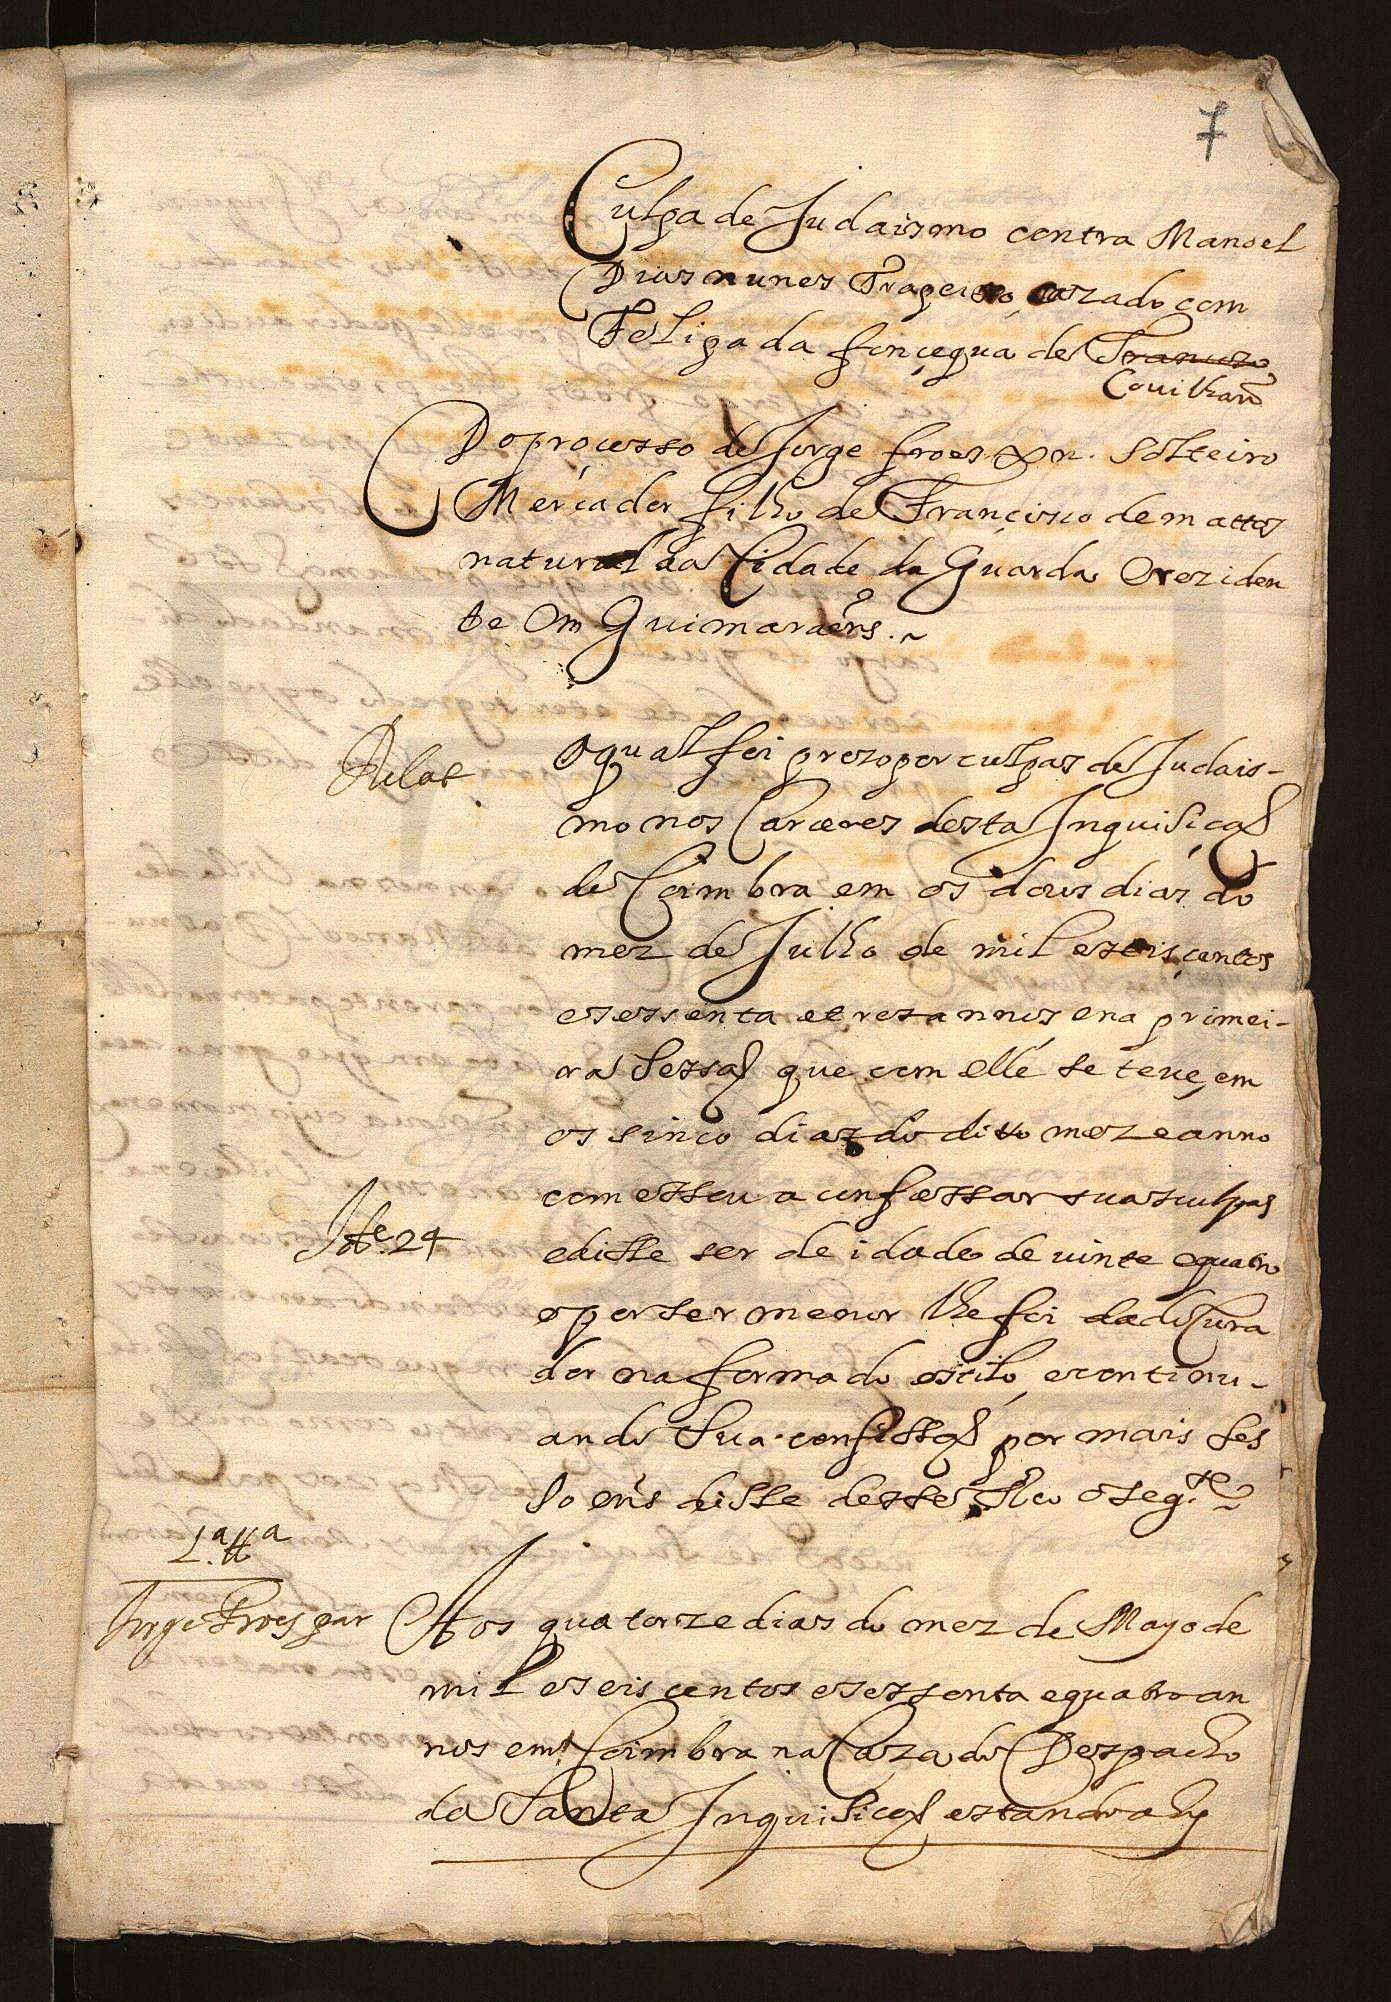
Culpa de Judaismo contra Manoel
Dias nunes Trapei_o, cazado com
Felipa da fonçequa de Couilhan̄
Do proçesso de Jorge froes x n. solteiro
Mercador filho de Françisco de mattos
natural da Cidade da Guarda e reziden
te em Guimaraẽns.
Relat
O qual foi prezo por culpas de Judais
mo nos Carceres desta Jnquisiçaõ
de Coimbra em os dous dias do
mez de Julho de mil e seisçentos
e sessenta e trez annos e na primei
ra sessaõ que com elle se teue, em
os sinco dias do ditto mez e anno
comessou a confessar suas culpas
Id̄.e 24
e disse ser de idade de uinte e quatro
e por ser menor lhe foi dado Cura
dor na forma do estilo, e continua
ndo Sua confissaõ por mais ses
soen̄s disse deste Reo, o seg.te
1.a tt.a
Jorge Froes par
Aos quatorze dias do mez de Mayo de
mil e seiscentos e sessenta e quatro an
nos em Coimbra na Caza do Despacho
da Santa Jnquisiçaõ estando ahy
